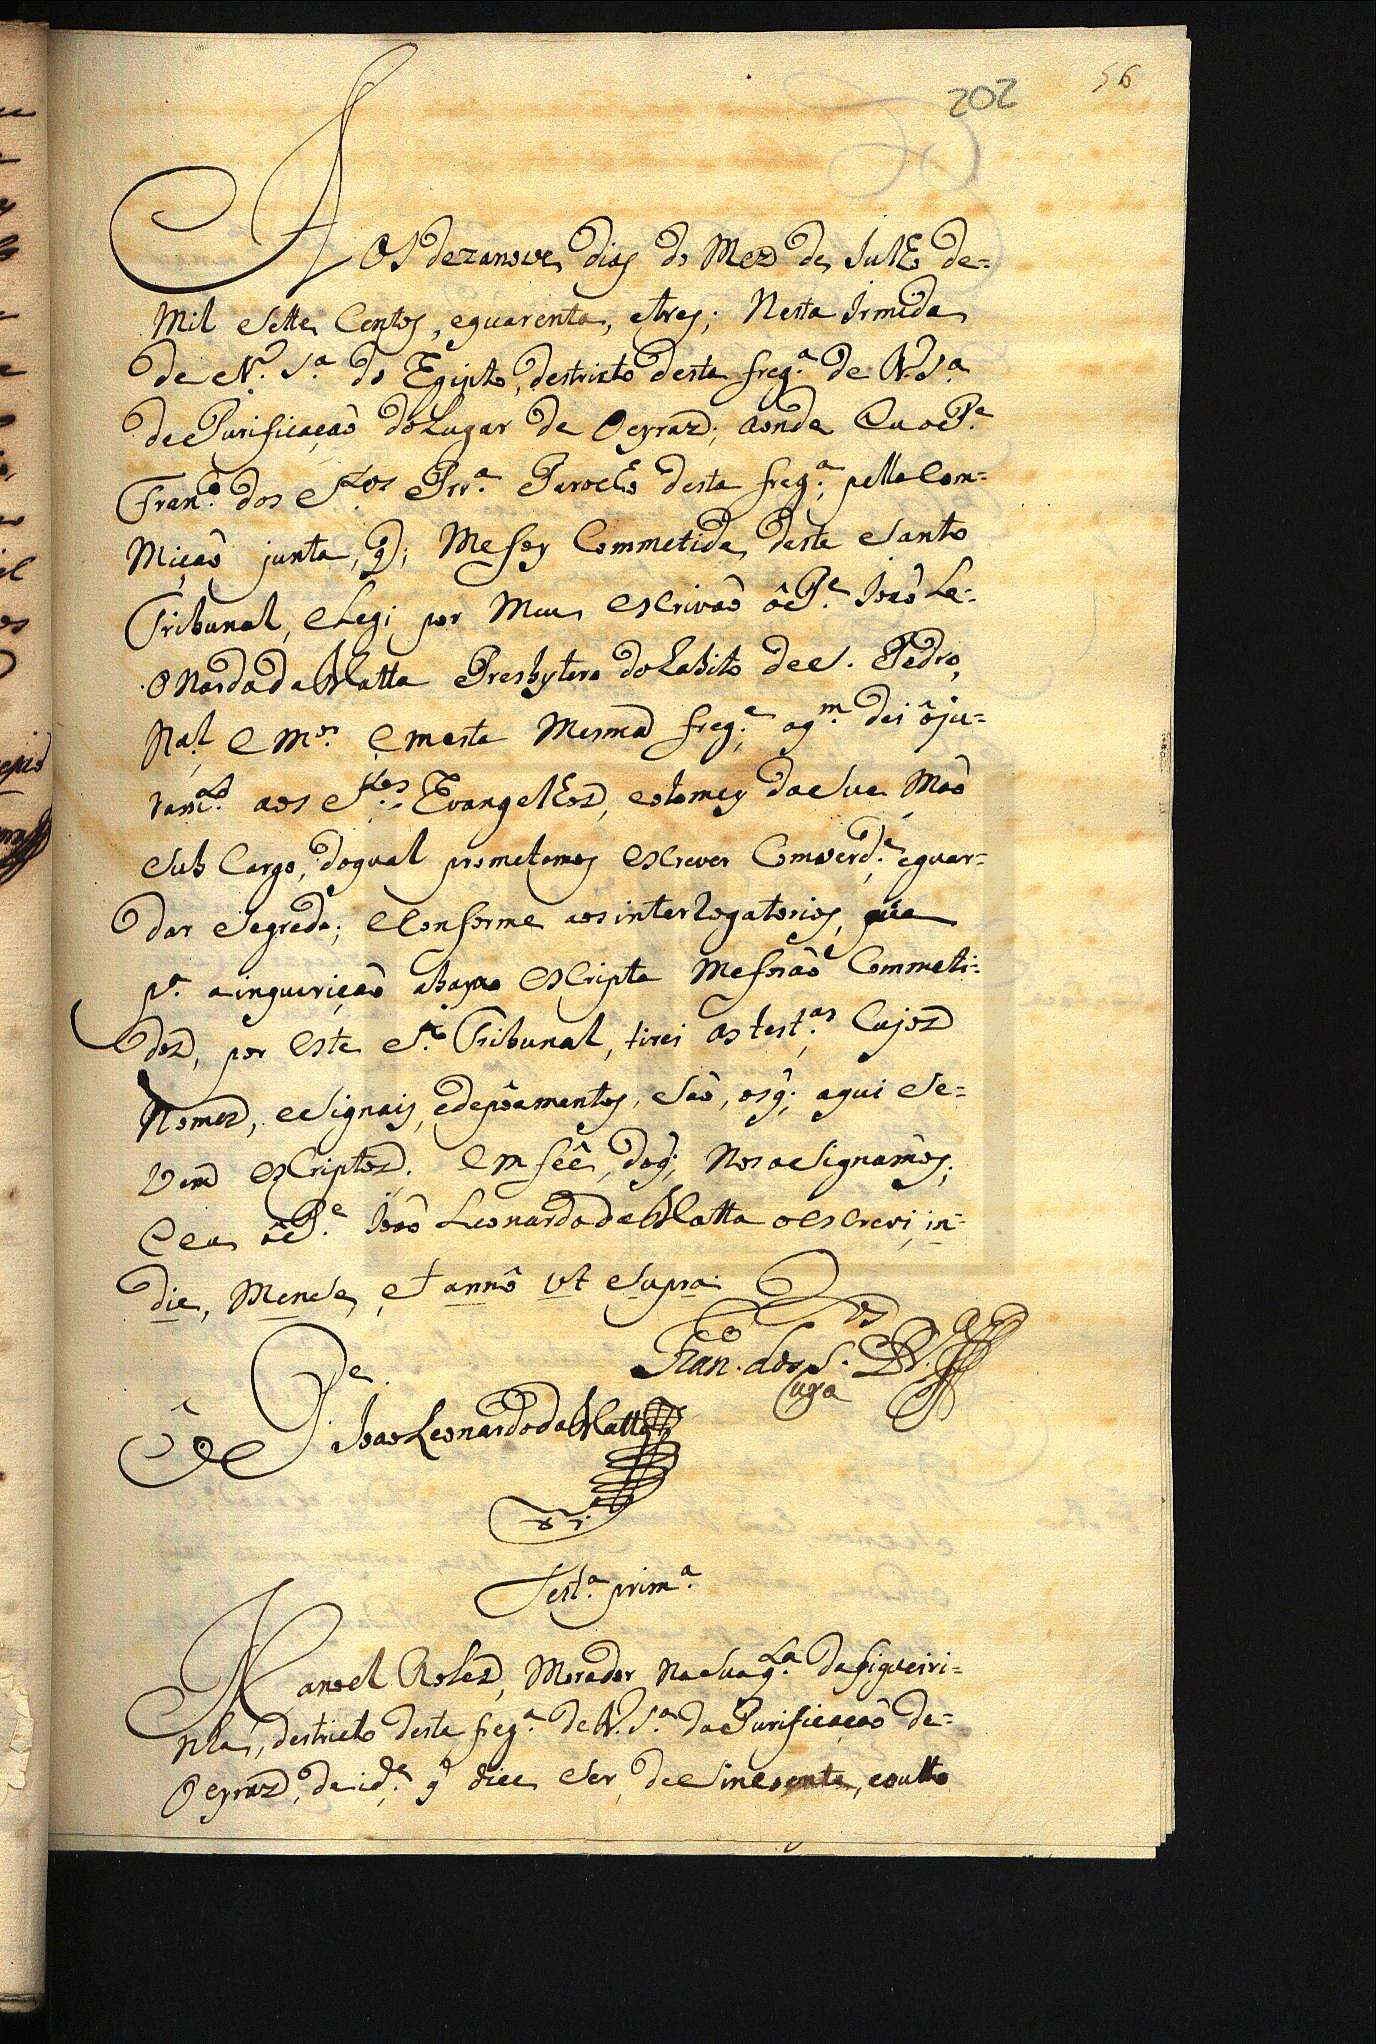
56
Aos dezanove dias do Mez de Iulho de
mil SetteCentos, e quarenta, e tres; Nesta Irmida
de N. S.a do Egipto, destricto desta freg.a de N. s.a
de Purificaçaõ do Lugar de Oeyraz; aonde Eu o P.e
Fran.co dos S.tos Prr.a Parocho desta freg.a; pella com
miçaõ junta, q̄; me foy Commetida deste Santo
Tribunal, eLegi por meu escrivaõ o P.e Ioaõ Le
onardo da Matta Presbytero do habito de s. Pedro,
N.al, e m.or em esta mesma freg;a a q.m dei o ju
ram.to aos S.tos Evangelhos, e o tomey da Sua maõ
Sub Cargo, do qual prometemos escrever Com verd.e, e guar
dar Segredo; e conforme aos interRogatorios, que
p.a a inqueriçaõ abayxo escripta me foraõ Commeti
doz, por este s.to Tribunal, tirei as test.as, Cujoz
Nomez, e Signais, e depoementos, Saõ, os q̄, aqui se
Vem esCriptoz; em feê, do q̄; nos aSignamos;
E eu o P.e Ioaõ Leonardo da Matta o escrevi, in
die, Mense, & anno vt Supra:
Fran.co dos S.tos Pr.a
Cura
O P.e Ioao Leonardo da Matta
Test.a prim.a
Manoel Rolez, Morador na sua q.ta de figueiri
nha, destricto desta freg.a de N. S.a da Purificaçaõ de
Oeyraz, de id.e q̄ dice ser, de sincoenta, e outto
